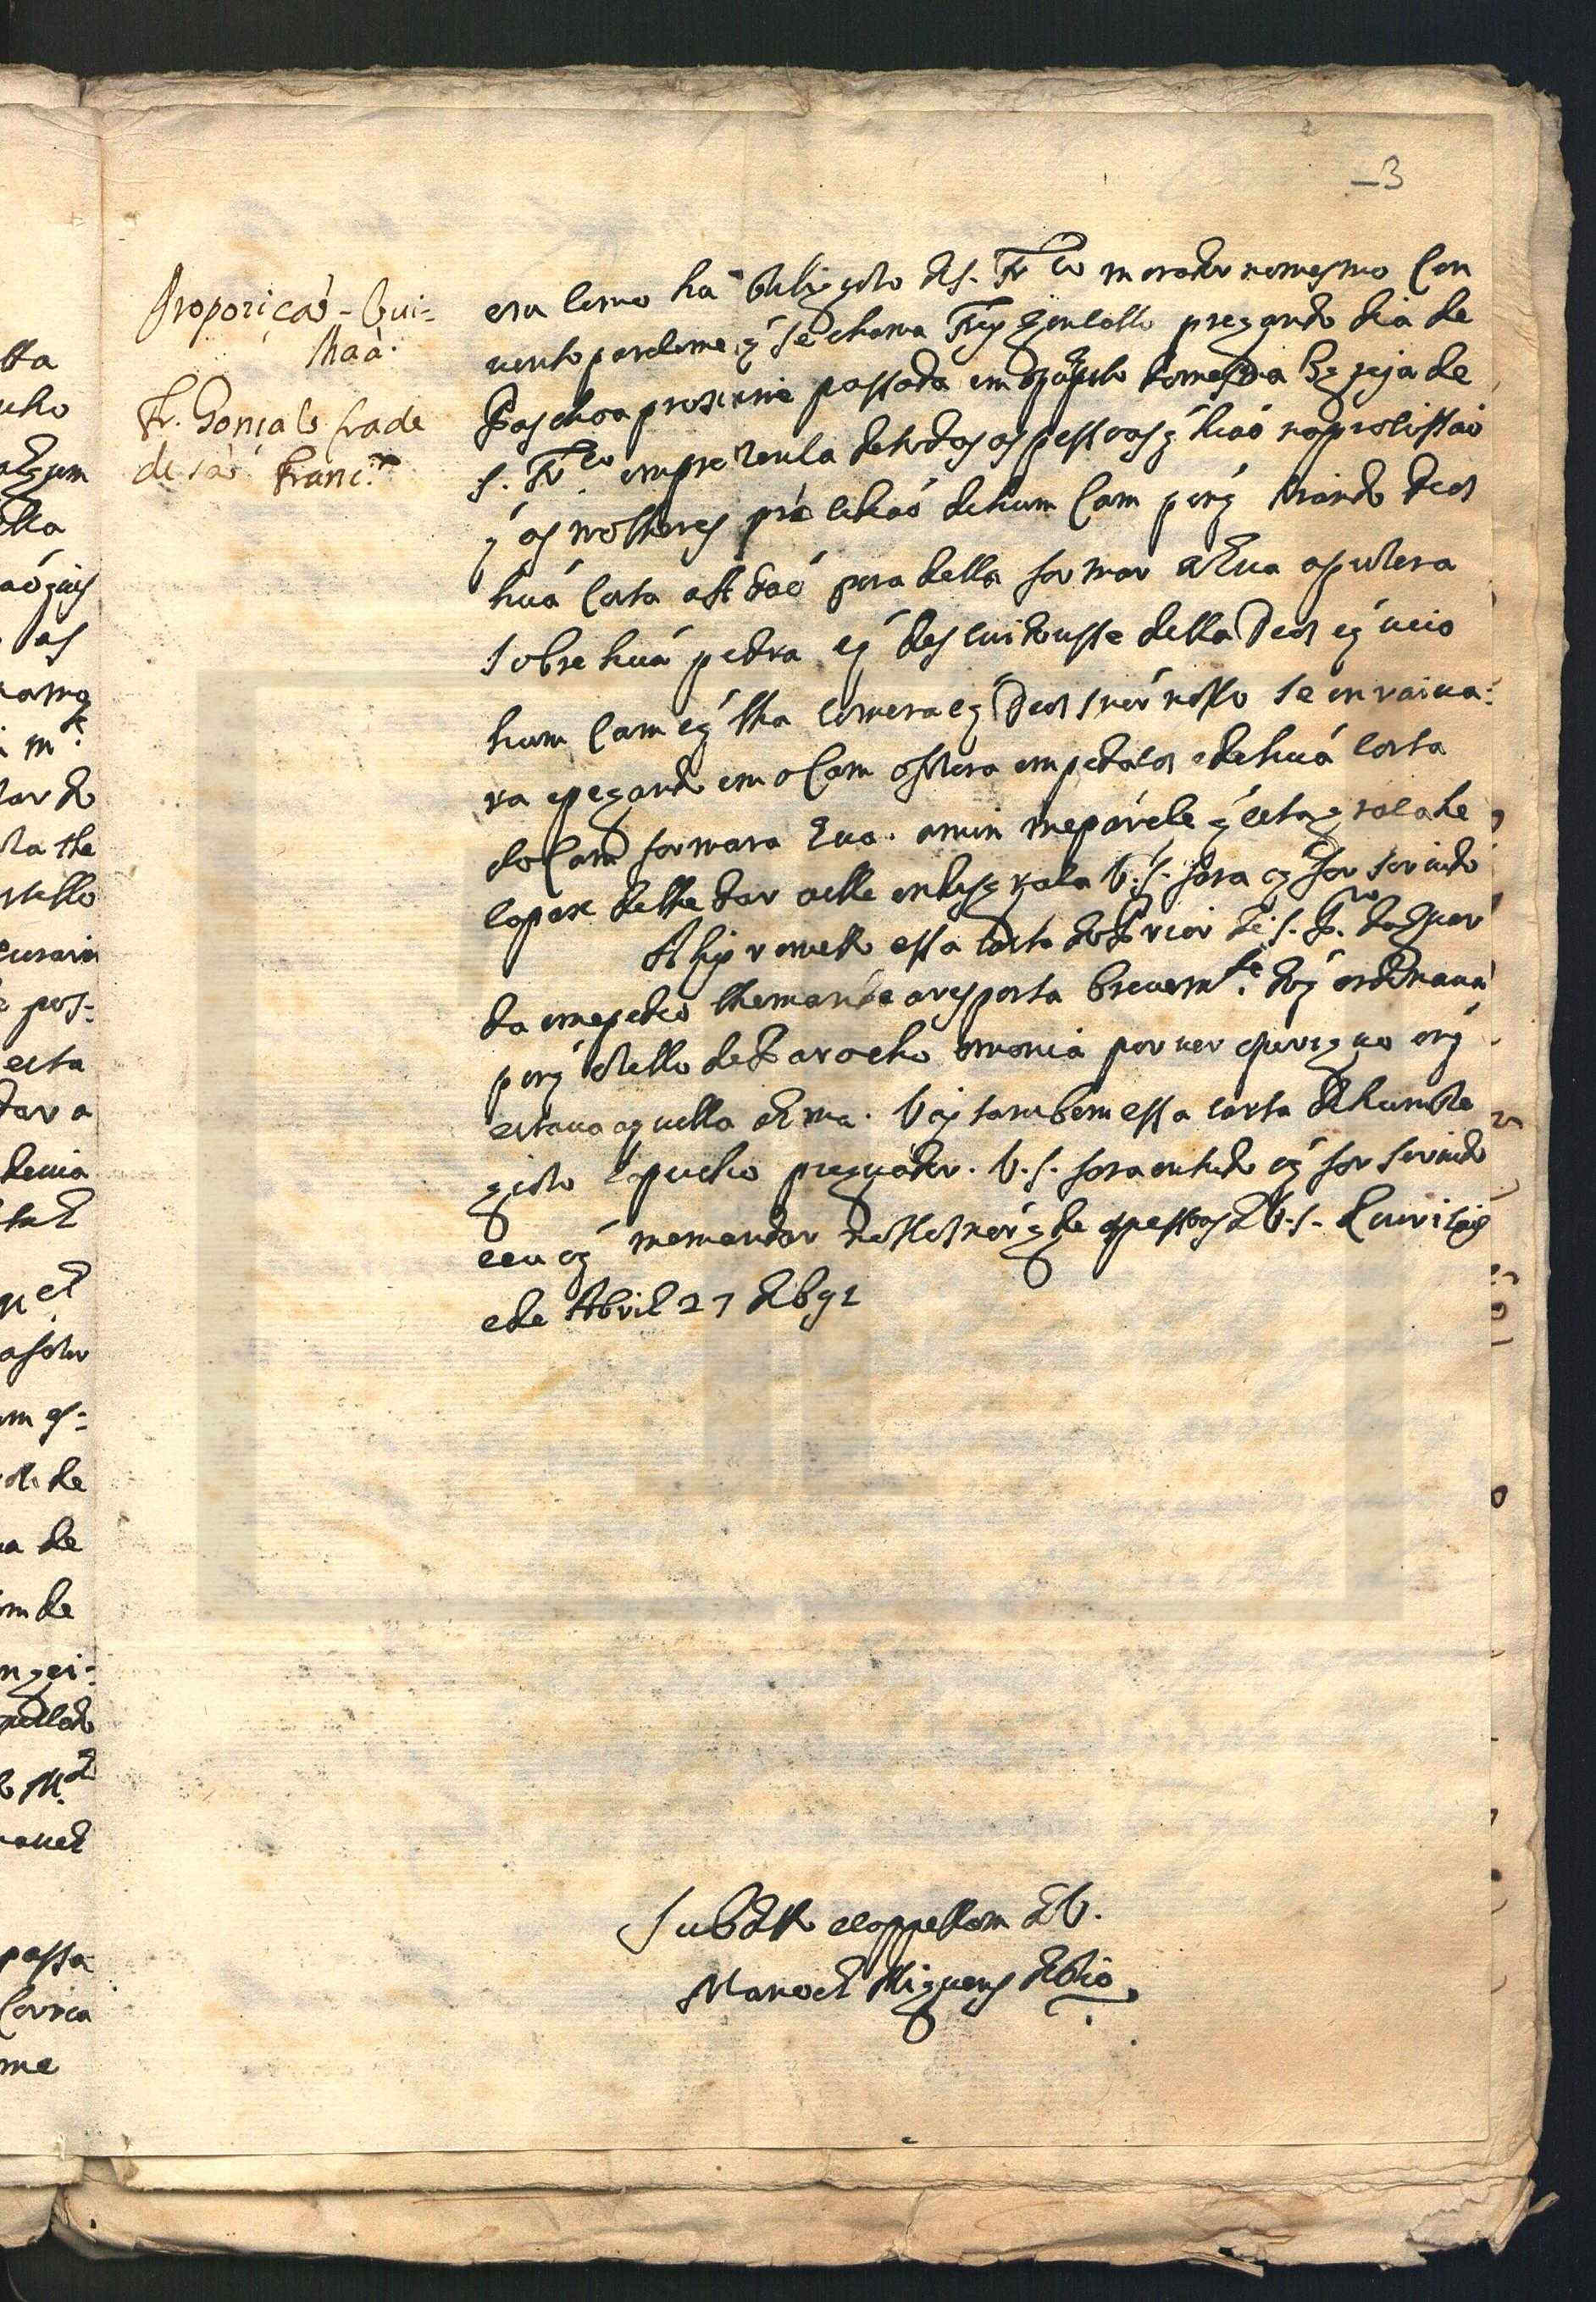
Propoziçaõ. Coui
lhaã.
Fr. Gonçalo frade
de saõ Franc.o
em Como ha Religiozo de S. Frco morador no mesmo Con
uento pareceme q̄ se chama Frey Gonçallo pregando dia de
Paschoa proxime passada em o pulpito da mesma Igreja de
S. Fr.co em prezença de todas as pessoas q̄ hiaõ na procissaõ
q̄ as molheres procediaõ de hum Cam porq̄ mando Deos
huā Carta a Adaõ pera della formar a hua a puzera
sobre huā pedra e q̄ descuidousse della Deos e q̄ ueio
hum Cam e q̄ lha comera e q̄ Deos snor̄ nosso se enraiua
ra e pegando em o Cam o fizera em pedaços e de huā costa
do Cam formara hua a mim me parece q̄ esta graça he
capaz de lhe dar a elle en desgraça v. s. fara q̄ for seruido
Ahy remetto esta carta do Prior de S. P.o da Guar
da e me pedeo lhe mande a resposta breuem.te do q̄ ordenaua
porq̄ o zello de Parocho o mouia por uer o perigo em q̄
estaua aquella alma. Vaj tambem esta carta de hum Re
gisto daquello preguador. V. s. fosa en tudo o q̄ for seruido
e eu o q̄ me mandar nosso snor̄ gde as pessoas d̄ V. S. Lourisais
e de Abril 27 de 691
Subd̄tto e cappellam d̄ V.
Manoel Miguens de Rio
